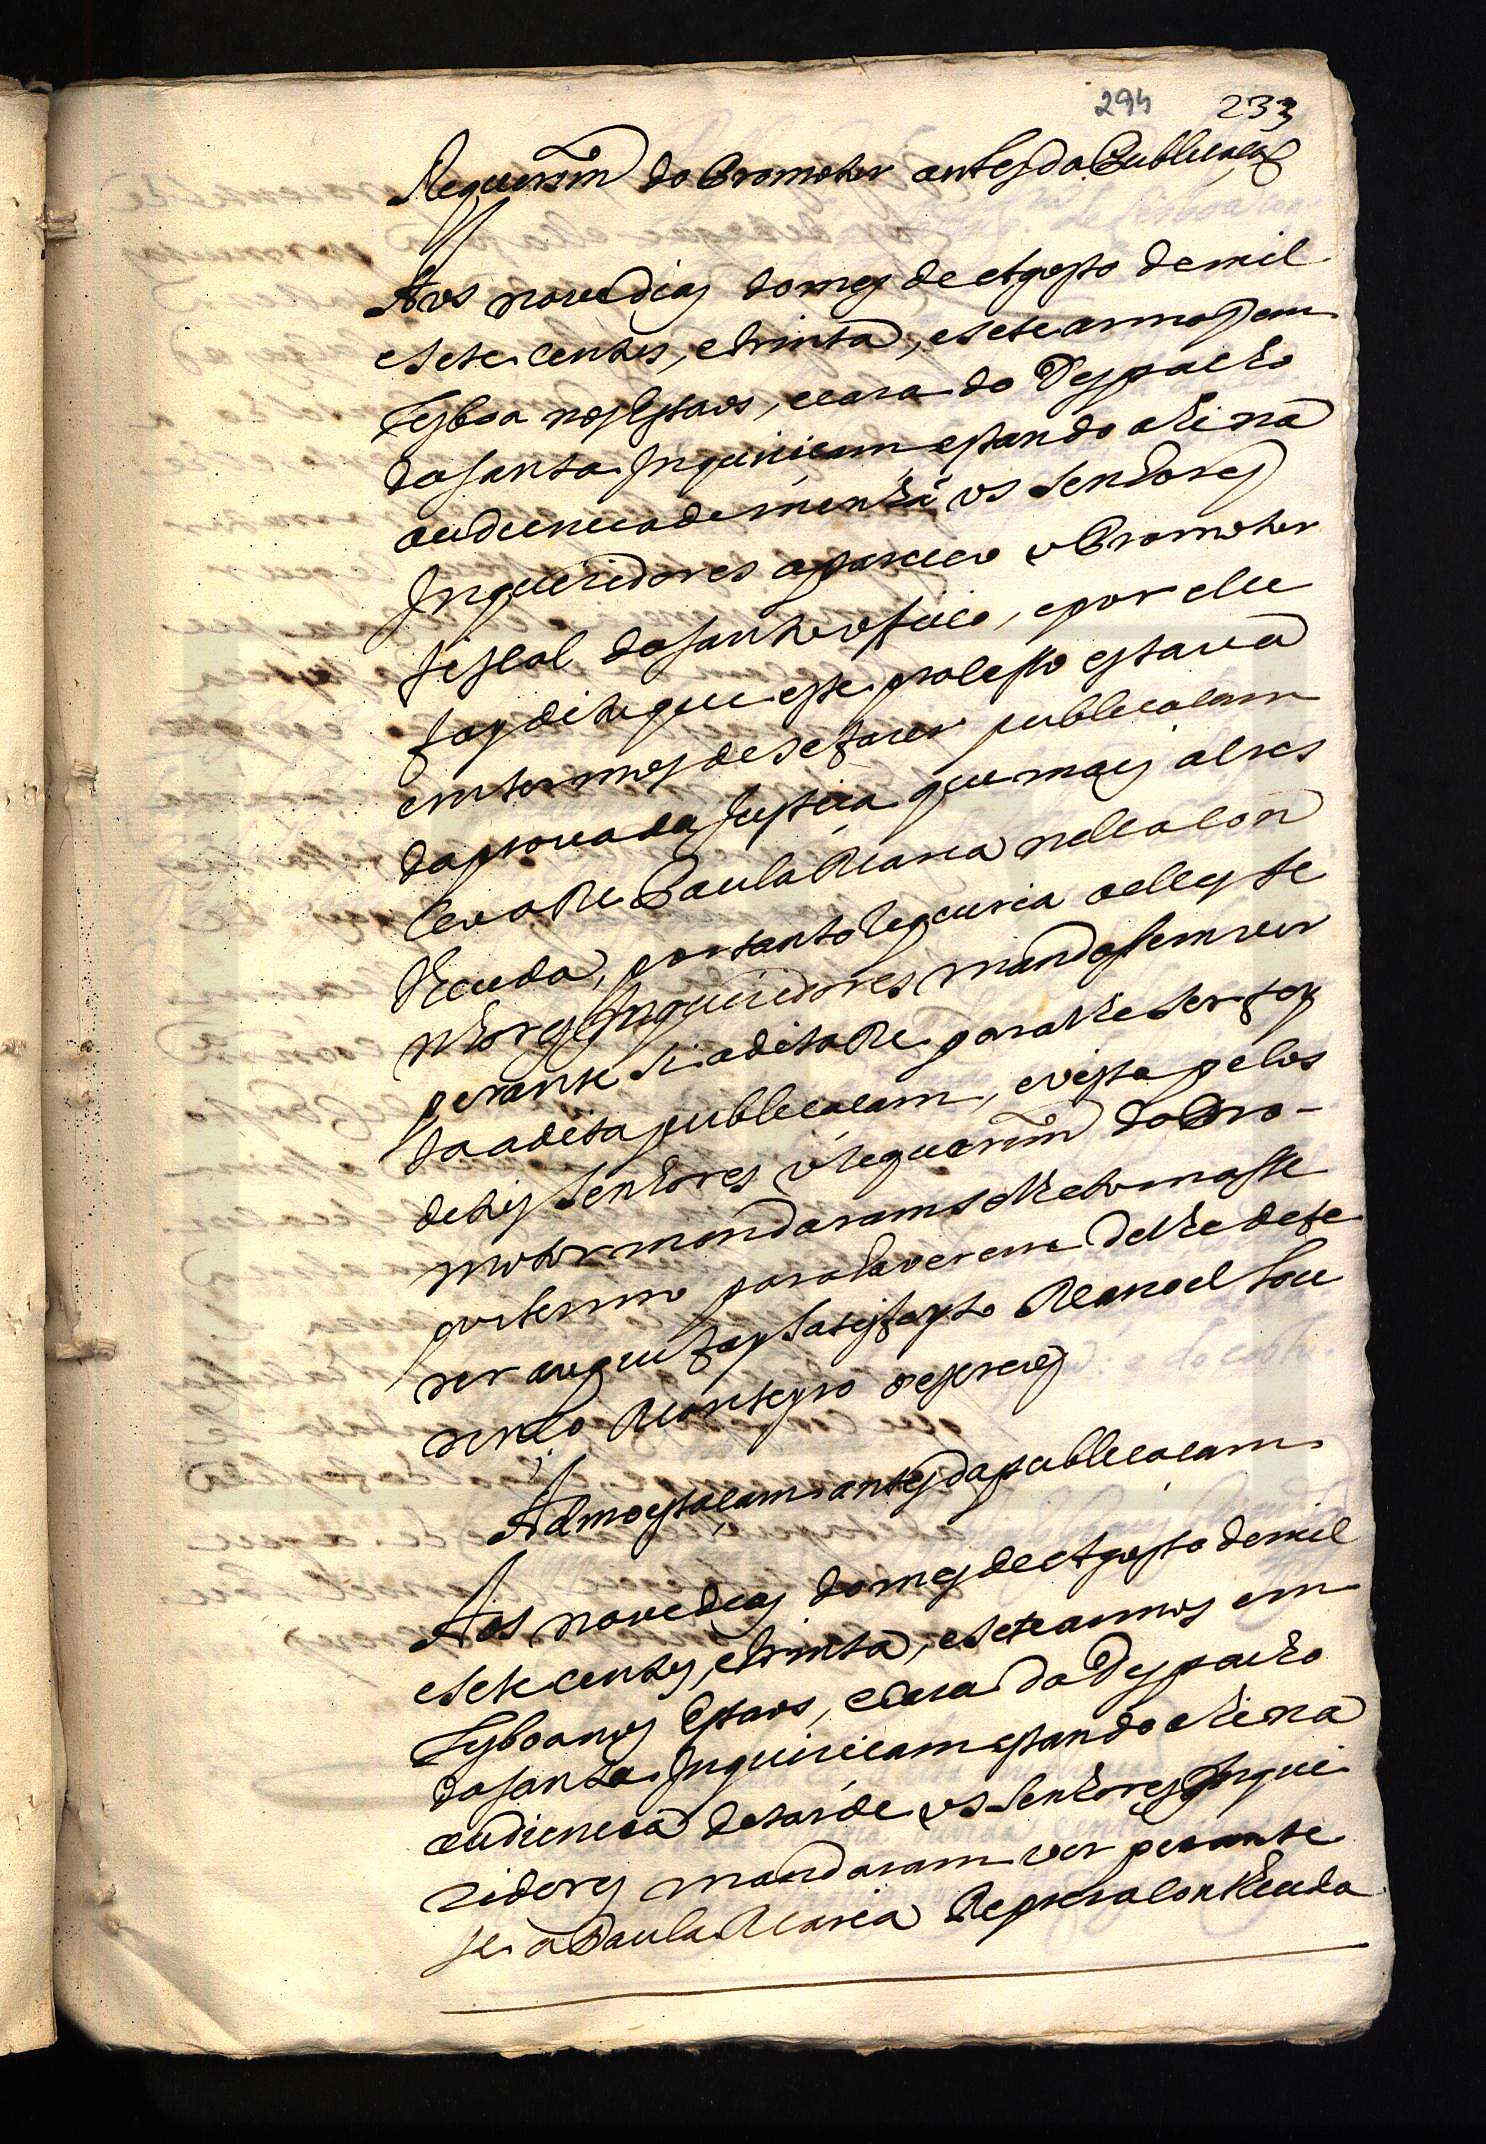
233
Requerimto do Promotor antes da Publicaçaõ
Aos nove dias do mes de Agosto de mil
e setecentos, e trinta, e sete annos em
Lisboa nos Estaos, e caza do Despacho
da santa Jnquiziçam, estando ahi na
audiencia de menhã os senhores
Jnquizidores apareceo o Promotor
fiscal do santo officio, e por elle
foy dito que este processo estava
em termos de se fazer publicaçam
da proua da Justiça que mais acres
ceo a Re Paula Maria nella con
theuda, portanto Requeria a elles se
nhores Jnquizidores mandassem vir
perante si a dita Re para lhe ser fey
ta a dita publicaçam, e vista pelos
ditos senhores o Requerimto do Pro
motor mandaramselhe tornasse
por termo para haverem de lhe defe
rer ao que foy satisfeyto Manoel Lou
renço Monteyro o escrevy
Admoestaçam antes da publicaçam
Aos noue dias do mes de Agosto de mil
e setecentos, e trinta, e sete annos em
Lisboa nos Estaos, e caza do despacho
da santa Jnquiziçam estando ahi na
audiencia de tarde os senhores Jnqui
zidores mandaram vir perante
si a Paula Maria Re preza contheuda
